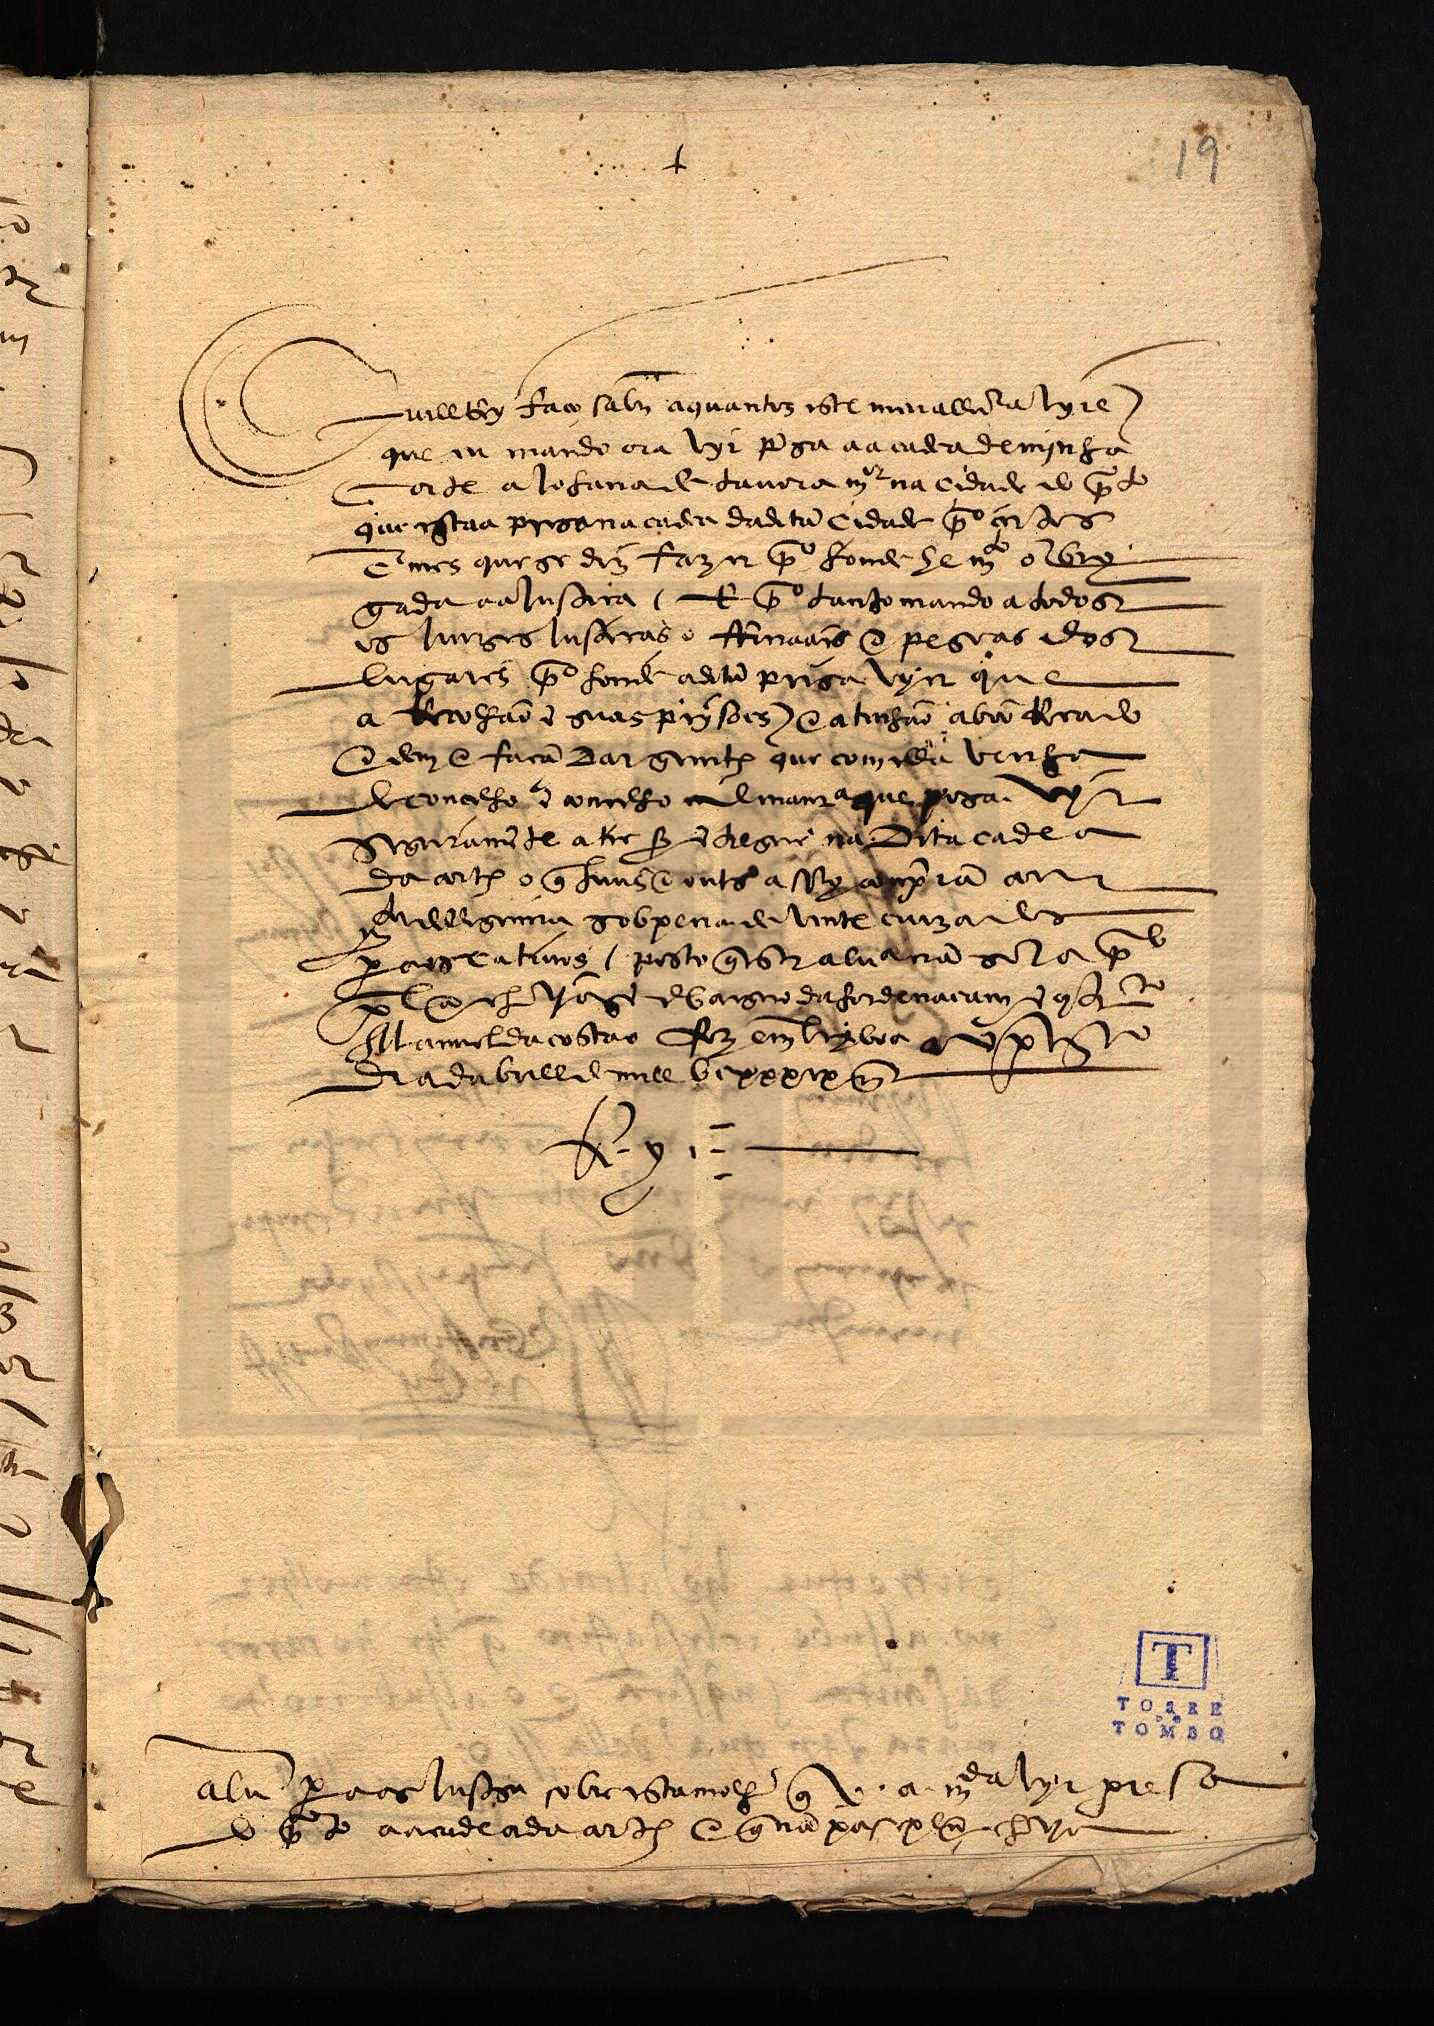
Eu ell Rey faço sab̄r a quantos este meu allura vyrē
que eu mando ora vyr p̄sa aa cadea de mjnha
Corte a Iohana de tauora mor na cidade do p̄oto
que estaa presa na cadea da dita Cidade p̄o certos
cimes que se diz fazer p̄o honde he mto obry
gada aa Iustiça / E p̄otanto mando a todos
os Iuizes Iustiças oficiaaes e pesoas dos
lugares p̄o honde a ditā presa vyer que
a Recolhaõ ē suas prysões e a tenhão a boō Recado
e dem e façā dar gente que com ella venha
de concelho ē concelho de manra que posa vyr
seguramēte atee ꞩ ētregue na Dita cadea
da cortꝭ o q̄ huus̄ e outos assy comp̄rā com
mta delligencia sob pena de vinte cuzados
ꝑa os catiuos / posto q̄ este alua nā seja pdo
p̄la chrjā sē ēbarguo da hordenaçam ē ꝯtrro
Manuel da costa o fez em lixboa ao p̄rmro
dia dabrill de mill bc xxxix ā
Rey ⸭
alū ꝑa as Iustas sobre esta molhē q̄ V. a. mda vyr presa
do p̄oto aa cadea da corte e q̄ nā pase plā chrya
